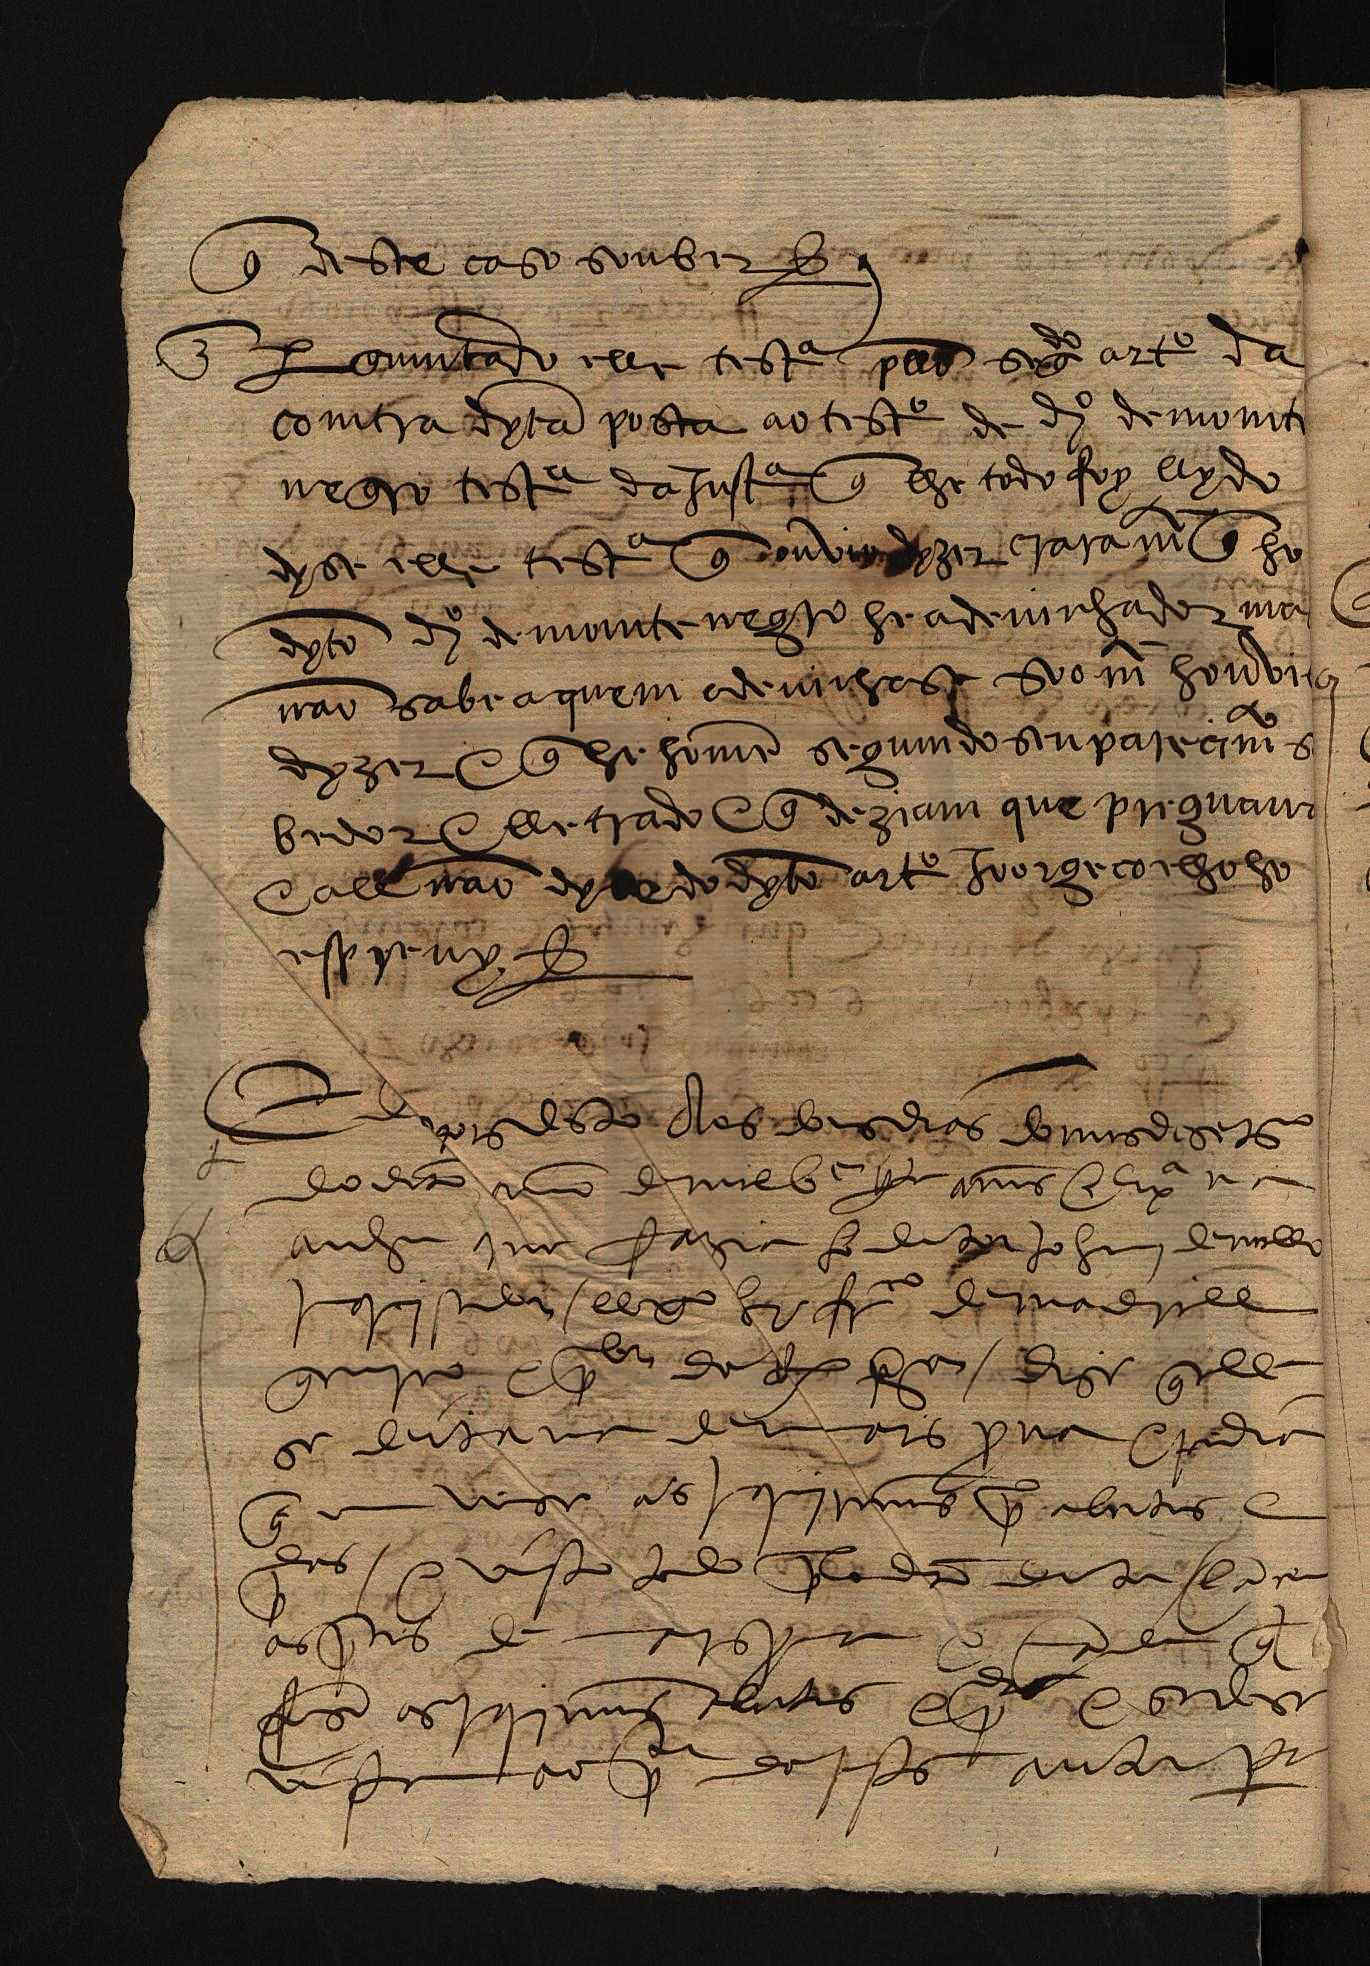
q̄ deste caso souber
item ꝑgumtado elle testa p̄llo segdo arto da
comtradyta posta ao testo de djo de momt
negro testa da Justa q̄ lhe todo foy llydo
dyse elle testa q̄ ouvio dyzer craramte q̄ ho
dyto djo de montenegro he adeuinhador ma
não sabe a quem adeuinhase soomte houvi
dyzer e q̄ he homē segumdo seu parecimto s
bedor e lletrado e q̄ deziam que preguaua
e all não dyse do dyto arto Joorge coelho ho
espreuy
E dpois desto Aos dous dias do mes de setro
do dito ano de mil bc Rta an̄os ē lixa na
audja que fazia ho doutor Joham de mello
Jnqujsidor / llogo hi frco de madrill
genrro e p̄dor da Rꝭ p̄sa / dise q̄ elle
se deitaua de mais ꝓua e pedia
q̄ ouvese as Jnqujrições p̄o abertas e
pdas / e visto todo p̄lo dito doutor / lāçou
as p̄tes de majs ꝓua e mādou q̄
fosē as Jnqujrições abertas e p̄das e se dese
vista ao p̄tor da Justa autor ꝑa
